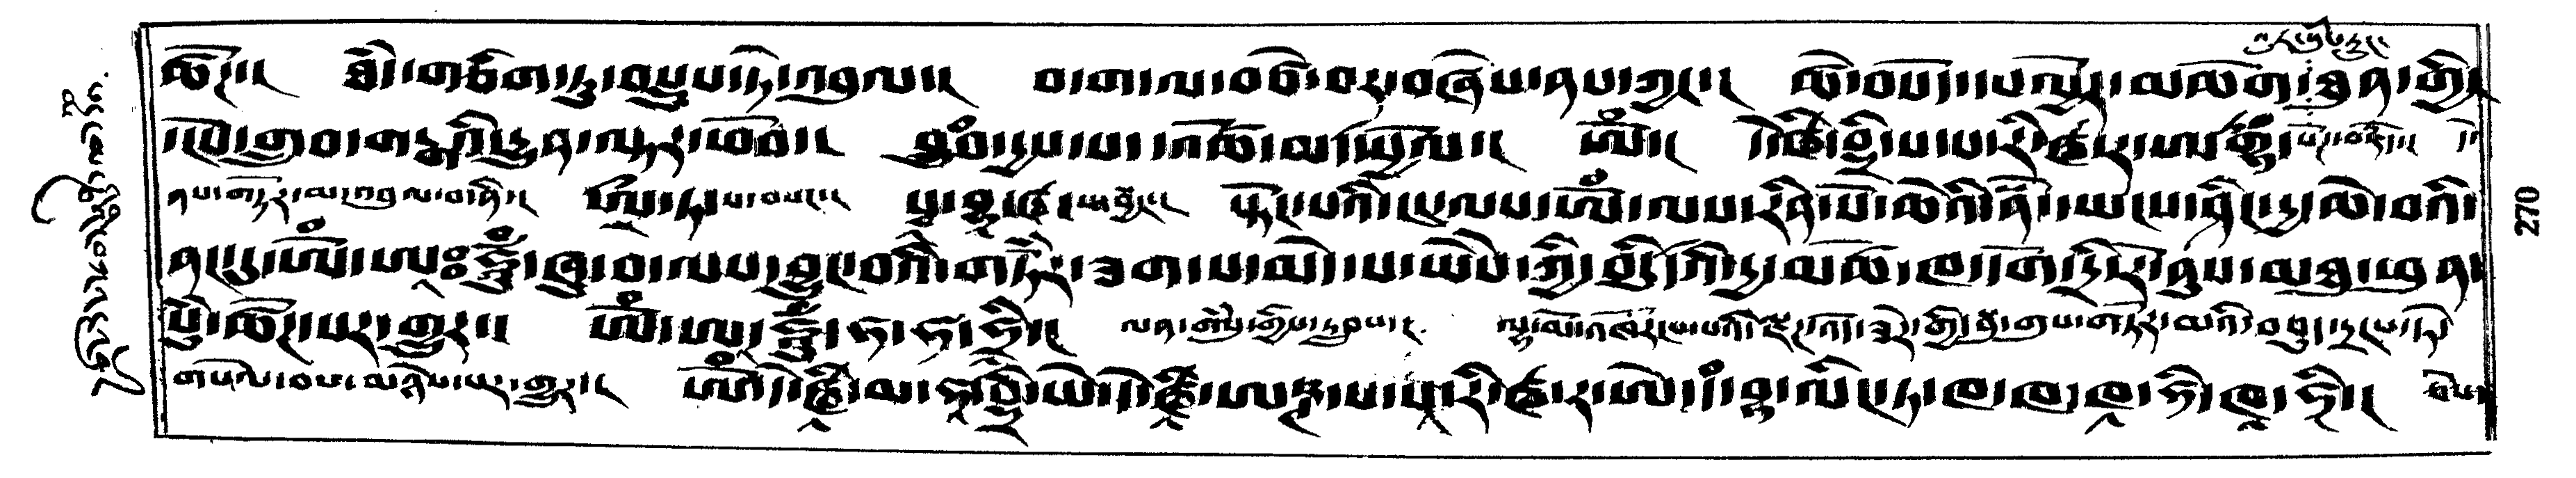ཚོགས། །ཐམས་ཅད་གཅིག་ཏུ་བསྡུས་ཏེ་འབུལ། །བདག་ལ་བརྩེ་བས་བཞེས་ནས་ཀྱང་། །ཚེ་བསོད་དཔལ་འབྱོར་མཆོག་ཐུན་གྱི། །
དངོས་གྲུབ་གངྒའི་རྒྱུན་ལྟར་ཕོབ། །བྱང་ཆུབ་རྒྱས་པ་འཚོ་མཛད་གསོལ། །ཨོཾ། དེ་ཝི་ཤྲི་ས་པ་རི་ཝ་ར་ཨརྒྷཾ། སོགས་བརྗོད། 
ནས་གཏོར་མ་འབུལ་བ་ནི། ཨ་མྲྀ་ཏ་ས་བསང་། སཱ་བྷཱ་ཝ ས་སྦྱང་། སྟོང་པའི་ངང་ལས་ཨོཾ་ལས་རིན་པོ་ཆེའི་སྣོད་ཡངས་ཤིང་རྒྱ་ཆེ་བའི་
ནང་དུ་ཨོཾ་ཨཱཿ ཧཱུྃ་ཞུ་བ་ལས་བྱུང་བའི་གཏོར་མ་ཟག་པ་མེད་པ་ཡེ་ཤེས་ཀྱི་བདུད་རྩིའི་རྒྱ་མཚོ་ཁ་དོག་དྲི་རོ་ནུས་མཐུ་ཕུན་
སུམ་ཚོགས་པར་གྱུར། ཨོཾ་ཨཱ་ཧཱུྃ་ཧ་ཧོ་ཧྲཱིཿ ལན་གསུམ་གྱིས་རླབ། །ལྷ་མོ་འཁོར་དང་བཅས་པའི་ལྗགས་འོད་ཟེར་གྱི་སྦུ་གུས་གཏོར་མའི་བཅུད་དྲངས་ཏེ་
གསོལ་བས་མཉེས་པར་གྱུར། ཨོཾ་དེ་ཝཱི་མ་ཧཱ་ཤྲི་ཡེ་དེ་ཝཱི་ཨཥྚ་ས་པཱ་རི་ཝ་ར་ཨེ་དཾ་བྷ་ལིང་ཏ་ཁ་ཁ་ཁཱ་ཧི་ཁཱ་ཧཱི། ཅེས་